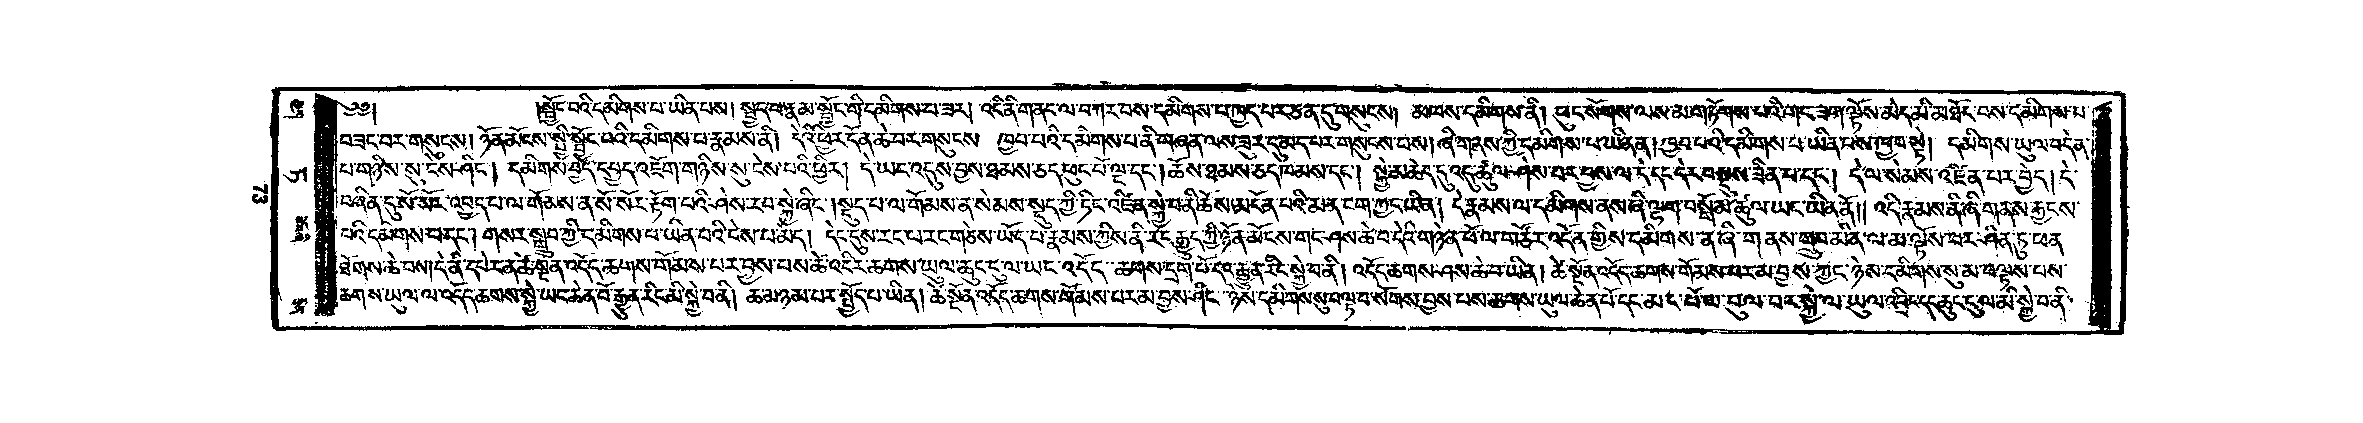༄༅། །སྦྱོང་བའི་དམིགས་པ་ཡིན་པས། སྤྱད་པ་རྣམ་སྦྱོང་གི་དམིགས་པ་ཟར། འདི་ནི་གནང་ལ་བཀར་བས་དམིགས་པ་ཁྱད་པར་ཅན་དུ་གསུངས། མཁས་དམིགས་ནི། ཕུང་སོགས་ལས་མ་གཏོགས་པའི་གང་ཟག་ལྟོས་མེད་མི་མཐོང་བས་དམིགས་པ་
བཟང་བར་གསུངས། ཉོན་མོངས་སྤྱི་སྦྱོང་བའི་དམིགས་པ་རྣམས་ནི། དེའི་ཕྱིར་དོན་ཆེ་བར་གསུངས། ཁྱབ་པའི་དམིགས་པ་ནི་གཞན་ལས་ཟུར་དུ་མེད་པར་གསུངས་པས། ཞི་གནས་ཀྱི་དམིགས་པ་ཡིན་ན། ཁྱབ་པའི་དམིགས་པ་ཡིན་པས་ཁྱབ་སྟེ། དམིགས་ཡུལ་བདེན་
པ་གཉིས་སུ་ངེས་ཤིང་། དམིགས་བྱེད་དཔྱད་འཇོག་གཉིས་སུ་ངེས་པའི་ཕྱིར། དེ་ཡང་འདུས་བྱས་ཐམས་ཅད་ཕུང་པོ་ལྔ་དང་། ཆོས་ཐམས་ཅད་ཁམས་དང་། སྐྱེ་མཆེད་དུ་འདུ་ཚུལ་ཤེས་པར་བྱས་ལ་དེ་དང་དེར་བསྡུས་ཟིན་པ་དང་། དེ་ལ་སེམས་འཛིན་པར་བྱེད། དེ་
བཞིན་དུ་སོ་སོར་འབྱད་པ་ལ་གོམས་ན་སོ་སོར་རྟོག་པའི་ཤེས་རབ་སྐྱེ་ཞིང་། སྡུད་པ་ལ་གོམས་ན་སེམས་སྡུད་ཀྱི་ཏིང་འཛིན་སྐྱེ་བ་ནི་ཆོས་མངོན་པའི་མན་ངག་ཀྱང་ཡིན། དེ་རྣམས་ལ་དམིགས་ནས་ཞི་ལྷག་བསྒོམ་ཚུལ་ཡང་ཡིན་ནོ། །འདི་རྣམས་ནི་ཞི་གནས་རྐྱངས་
པའི་དམིགས་པ་དང་། གསར་སྒྲུབ་ཀྱི་དམིགས་པ་ཡིན་པའི་ངེས་པ་མེད། དེང་དུས་རང་པ་རང་གཅེས་ཡོད་པ་རྣམས་ཀྱིས་ནི་རང་རྒྱུད་ཀྱི་ཉོན་མོངས་གང་ཤས་ཆེ་བ་དེའི་གཉེན་ཕོ་ལ་གཙོར་འདོན་གྱིས་དམིགས་ན་ཞི་གནས་གྲུབ་མིན་ལ་མ་ལྟོས་པར་ཤིན་ཏུ་ཕན་
ཐོགས་ཆེ་བས། དེ་ནི་དཔེར་ན་ཚེ་སྔོན་འདོད་ཆགས་གོམས་པར་བྱས་པས་ཚེ་འདིར་ཆགས་ཡུལ་ཆུང་ངུ་ལ་ཡང་འདོད་ཆགས་དྲག་པོ་དེའི་རྒྱུན་རིང་སྐྱེ་བ་ནི། འདོད་ཆགས་ཤས་ཆེ་བ་ཡིན། ཚེ་སྔོན་འདོད་ཆགས་གོམས་པར་མ་བྱས་ཀྱང་ཉེས་དམིགས་སུ་མ་བལྟས་པས་
ཆགས་ཡུལ་ལ་འདོད་ཆགས་སྐྱེ་ཡང་ཆེན་པོ་རྒྱུན་རིང་མི་སྐྱེ་བ་ནི། ཆ་མཉམ་པར་སྤྱོད་པ་ཡིན། ཚེ་སྔོན་འདོད་ཆགས་གོམས་པར་མ་བྱས་ཤིང་ཉེས་དམིགས་སུ་བལྟ་བ་སོགས་བྱས་པས་ཆགས་ཡུལ་ཆེན་པོ་དང་མང་པོ་ལ་བུལ་བར་སྐྱེ་ལ་ཡུལ་འབྲིང་དང་ཆུང་ངུ་ལ་མི་སྐྱེ་བ་ནི་